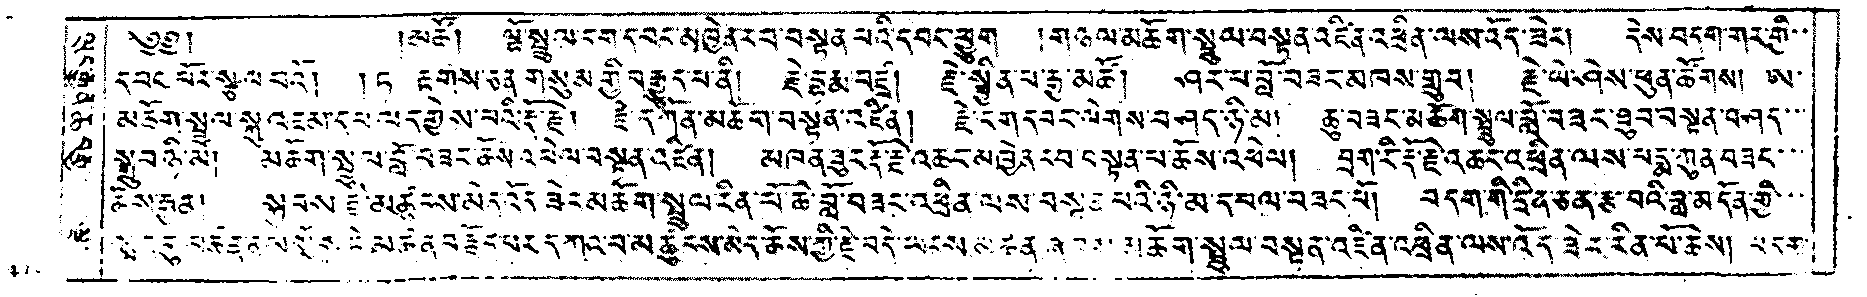༄༅། །མཚོ། ལྷོ་སྤྲུལ་ངག་དབང་མཁྱེན་རབ་བསྟན་པའི་དབང་ཕྱུག །གཉལ་མཆོག་སྤྲུལ་བསྟན་འཛིན་འཕྲིན་ལས་འོད་ཟེར། དེས་བདག་གར་གྱི་
དབང་པོར་སྩལ་བའོ། །ཏ་རྟགས་ཅན་གསུམ་གྱི་བརྒྱུད་པ་ནི། རྗེ་དྷརྨ་བཛྲ། རྗེ་སྦྱིན་པ་རྒྱ་མཚོ། ཤར་པ་བློ་བཟང་མཁས་གྲུབ། རྗེ་ཡེ་ཤེས་ཕུན་ཚོགས། ཨ་
མཆོག་སྤྲུལ་སྐུ་འཇམ་དཔལ་དགྱེས་པའི་རྡོ་རྗེ། རྗེ་དཀོན་མཆོག་བསྟན་འཛིན། རྗེ་ངག་དབང་ལེགས་བཤད་ཉི་མ། ཆུ་བཟང་མཆོག་སྤྲུལ་བློ་བཟང་ཐུབ་བསྟན་བཤད་
སྒྲུབ་ཉི་མ། མཆོག་སྤྲུལ་བློ་བཟང་ཆོས་འཕེལ་བསྟན་འཛིན། མཁན་ཟུར་རྡོ་རྗེ་འཆང་མཁྱེན་རབ་བསྟན་པ་ཆོས་འཕེལ། བྲག་རི་རྡོ་རྗེ་འཆང་འཕྲིན་ལས་པདམ་ཀུན་བཟང་
ཆོས་རྒྱན། ༧སྐྱབས་རྗེ་མཚུངས་མེད་འོད་ཟེར་མཆོག་སྤྲུལ་རིན་པོ་ཆེ་བློ་བཟང་འཕྲིན་ལས་བསྟན་པའི་ཉི་མ་དཔལ་བཟང་པོ། བདག་གི་དྲིན་ཅན་རྩ་བའི་བླ་མ་དོན་གྱི་
སླད་དུ་མཚན་ནས་སྨོས་ཏེ་མཚན་བརྗོད་པར་དཀའ་བ་མཚུངས་མེད་ཆོས་ཀྱི་རྗེ་བདེ་ཡངས་མཚན་ཞབས་མཆོག་སྤྲུལ་བསྟན་འཛིན་འཕྲིན་ལས་འོད་ཟེར་རིན་པོ་ཆེས། བདག་